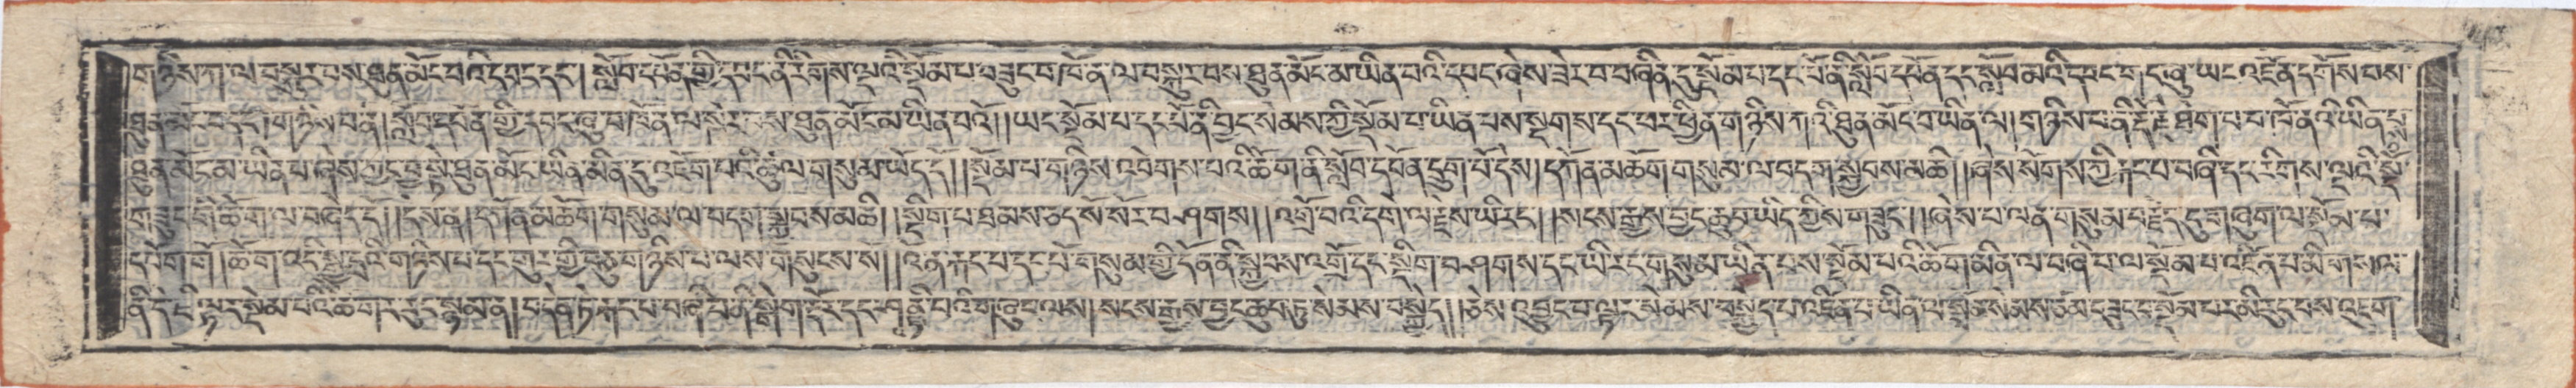གཉིས་ཀ་ལ་བསྐུར་བས་ཐུན་མོང་བའི་དབང་དང་། སློབ་དཔོན་གྱི་དབང་ནི་རིགས་ལྔའི་སྡོམ་པ་བཟུང་བ་ཁོ་ན་ལ་བསྐུར་བས་ཐུན་མོང་མ་ཡིན་པའི་དབང་ཞེས་ཟེར་བ་བཞིན་དུ་སྡོམ་པ་དང་པོ་ནི་སློབ་དཔོན་དང་སློབ་མའི་དབང་གང་ཞུ་ཡང་འཛིན་དགོས་པས་
ཐུན་མོང་བ་དང་། གཉིས་པ་ནི། སློབ་དཔོན་གྱི་དབང་ཞུ་བ་ཁོ་ན་ལ་སྟེར་བས་ཐུན་མོང་མ་ཡིན་པའོ། །ཡང་སྡོམ་པ་དང་པོ་ནི་བྱང་སེམས་ཀྱི་སྡོམ་པ་ཡིན་པས་སྔགས་དང་ཕར་ཕྱིན་གཉིས་ཀའི་ཐུན་མོང་བ་ཡིན་ལ། གཉིས་པ་ནི་རྡོ་རྗེ་ཐེག་པ་བ་ཁོ་ནའི་ཡིན་པས་
ཐུན་མོང་མ་ཡིན་པ་ཞེས་ཀྱང་བྱ་སྟེ་ཐུན་མོང་ཡིན་མིན་དུ་འཇོག་པའི་ཚུལ་གསུམ་ཡོད་དོ། །སྡོམ་པ་གཉིས་འབེགས་པའི་ཆོ་ག་ནི་སློབ་དཔོན་དྲུག་པོ་དེས། དཀོན་མཆོག་གསུམ་ལ་བདག་སྐྱབས་མཆི། །ཞེས་སོགས་ཀྱི་རྐང་པ་བཞི་དང་རིགས་ལྔའི་སྡོམ་
གཟུང་གི་ཆོ་ག་ལ་བཞེད་དོ། །དེས་ན། དཀོན་མཆོག་གསུམ་ལ་བདག་སྐྱབས་མཆི། །སྡིག་པ་ཐམས་ཅད་སོ་སོར་བཤགས། །འགྲོ་བའི་དགེ་ལ་རྗེས་ཡི་རང་། །སངས་རྒྱས་བྱང་ཆུབ་ཡིད་ཀྱིས་གཟུང་། །ཞེས་པ་ལན་གསུམ་བརྗོད་དུ་གཞུག་ལ་སྡོམ་པ་
དཔོག་གོ །ཆོ་ག་འདི་སྒྱུ་དྲའི་གཉིས་པ་དང་གུར་གྱི་བཅུ་གཉིས་པ་ལས་གསུངས་སོ། །འོ་ན་རྐང་པ་དང་པོ་གསུམ་གྱི་དོན་ནི་སྐྱབས་འགྲོ་དང་སྡིག་བཤགས་དང་ཡི་རང་གསུམ་ཡིན་པས་སྡོམ་པའི་ཆོ་ག་མིན་ལ་བཞི་པ་ལ་སྡོམ་པ་འཛིན་པ་མི་གསལ་
ནི་དེ་ཇི་ལྟར་སྡོམ་པའི་ཆོ་གར་རུང་སྙམ་ན། བདེན་ཏེ་རྐང་པ་བཞི་པ་ནི་སྒེག་རྡོར་དང་ཤཱནྟི་པའི་གཞུང་ལས། སངས་རྒྱས་བྱང་ཆུབ་ཏུ་སེམས་བསྐྱེད། །ཅེས་འབྱུང་པ་ལྟར་སེམས་བསྐྱེད་པ་འཛིན་པ་ཡིན་ལ་སྨོན་སེམས་ཙམ་བཟུང་བ་སྡོམ་པར་མི་རུང་བས་འཇུག་